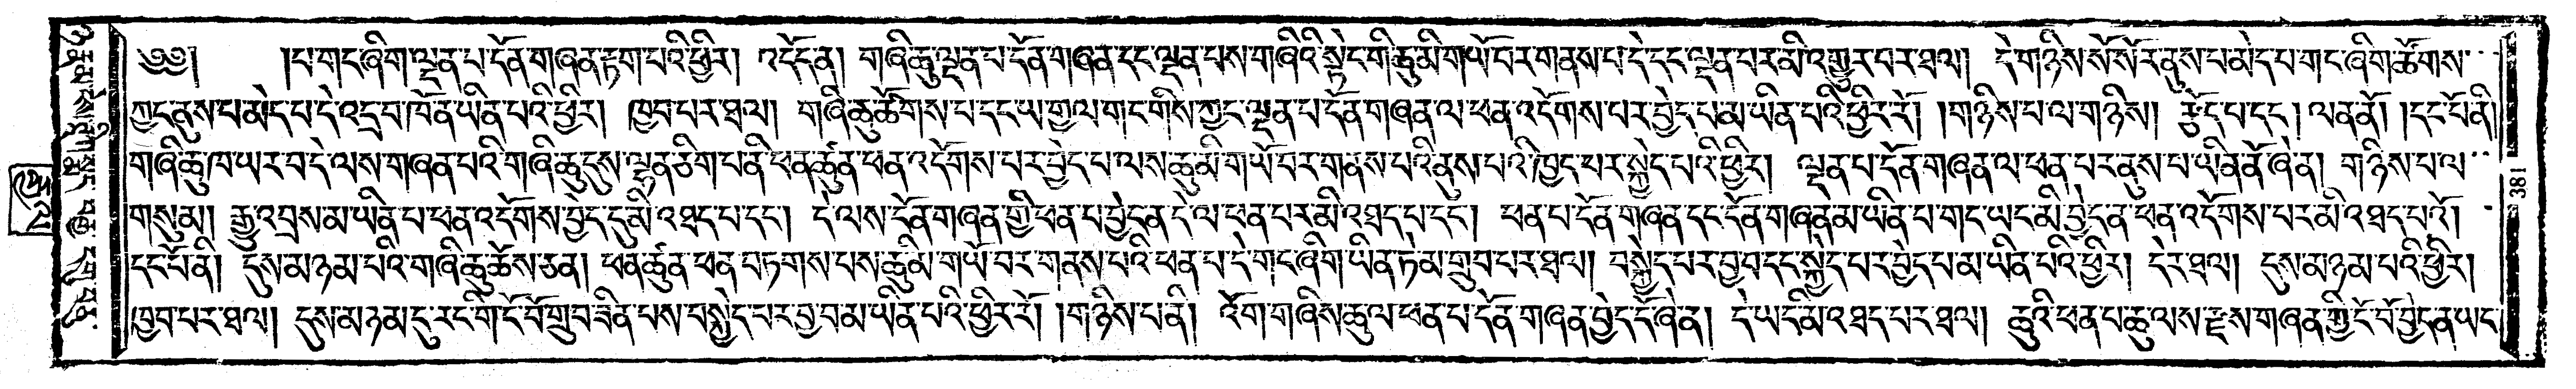༄༅། །པ་གང་ཞིག་ལྡན་པ་དོན་གཞན་རྟག་པའི་ཕྱིར། འདོད་ན། གཞི་ཆུ་ལྡན་པ་དོན་གཞན་དང་ལྡན་པས་གཞིའི་སྟེང་གི་ཆུ་མི་གཡོ་བར་གནས་པ་དེ་དང་ལྡན་པར་མི་འགྱུར་བར་ཐལ། དེ་གཉིས་སོ་སོར་ནུས་པ་མེད་པ་གང་ཞིག་ཚོགས་
ཀྱང་ནུས་པ་མེད་པ་དེ་འདྲ་བ་ཁོ་ན་ཡིན་པའི་ཕྱིར། ཁྱབ་པར་ཐལ། གཞི་ཆུ་ཚོགས་པ་དང་ཡ་གྱལ་གང་གིས་ཀྱང་ལྡན་པ་དོན་གཞན་ལ་ཕན་འདོགས་པར་བྱེད་པ་མ་ཡིན་པའི་ཕྱིར་རོ། །གཉིས་པ་ལ་གཉིས། རྩོད་པ་དང་། ལན་ནོ། །དང་པོ་ནི།
གཞི་ཆུ་ཁ་ཡར་བ་དེ་ལས་གཞན་པའི་གཞི་ཆུ་དུས་ལྷན་ཅིག་པ་ནི་ཕན་ཚུན་ཕན་འདོགས་པར་བྱེད་པ་ལས་ཆུ་མི་གཡོ་བར་གནས་པའི་ནུས་པའི་ཁྱད་པར་སྐྱེད་པའི་ཕྱིར། ལྡན་པ་དོན་གཞན་ལ་ཕན་པར་ནུས་པ་ཡིན་ནོ་ཞེ་ན། གཉིས་པ་ལ་
གསུམ། རྒྱུ་འབྲས་མ་ཡིན་པ་ཕན་འདོགས་བྱེད་དུ་མི་འཐད་པ་དང་། དེ་ལས་དོན་གཞན་གྱི་ཕན་པ་བྱེད་ན་དེ་ལ་ཕན་པར་མི་འཐད་པ་དང་། ཕན་པ་དོན་གཞན་དང་དོན་གཞན་མ་ཡིན་པ་གང་ཡང་མི་བྱེད་ན་ཕན་འདོགས་པར་མི་འཐད་པའོ།
དང་པོ་ནི། དུས་མཉམ་པའི་གཞི་ཆུ་ཆོས་ཅན། ཕན་ཚུན་ཕན་བཏགས་པས་ཆུ་མི་གཡོ་བར་གནས་པའི་ཕན་པ་དེ་གང་ཞིག་ཡིན་ཏེ་མ་གྲུབ་པར་ཐལ། བསྐྱེད་པར་བྱ་བ་དང་སྐྱེད་པར་བྱེད་པ་མ་ཡིན་པའི་ཕྱིར། དེར་ཐལ། དུས་མཉམ་པའི་ཕྱིར།
ཁྱབ་པར་ཐལ། དུས་མཉམ་དུ་རང་གི་ངོ་བོ་གྲུབ་ཟིན་པས་བསྐྱེད་པར་བྱ་བ་མ་ཡིན་པའི་ཕྱིར་རོ། །གཉིས་པ་ནི། འོག་གཞིས་ཆུ་ལ་ཕན་པ་དོན་གཞན་བྱེད་དོ་ཞེ་ན། དེ་ཡང་མི་འཐད་པར་ཐལ། ཆུའི་ཕན་པ་ཆུ་ལས་རྫས་གཞན་གྱི་ངོ་བོ་བྱེད་ན་ཡང་